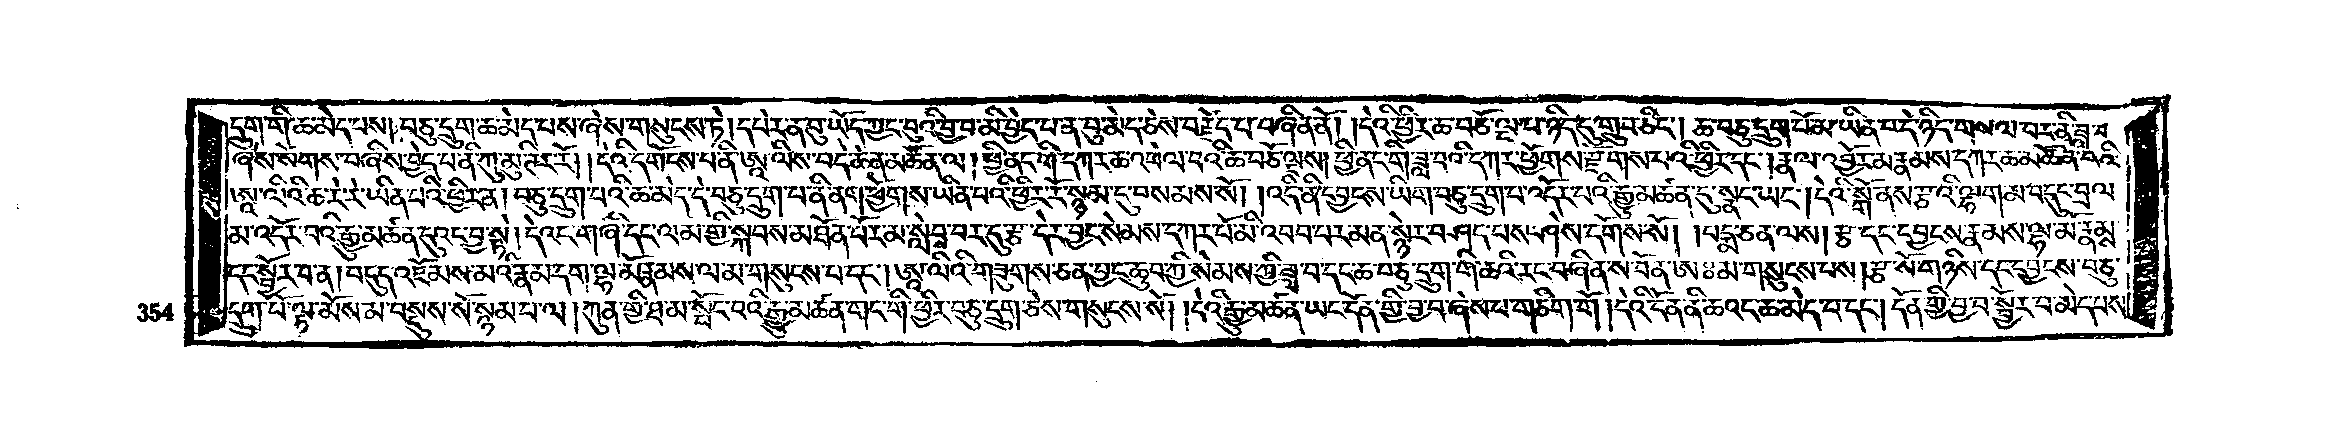དྲུག་གི་ཆ་མེད་པས། བཅུ་དྲུག་ཆ་མེད་པས་ཞེས་གསུངས་ཏེ། དཔེར་ན་བུ་ཡོད་ཀྱང་བུའི་བྱ་བ་མི་བྱེད་པ་ན་བུ་མེད་ཅེས་བརྗོད་པ་བཞིན་ནོ། །དེའི་ཕྱིར་ཆ་བཅོ་ལྔ་པ་ཉིད་དུ་གྲུབ་ཅིང་། ཆ་བཅུ་དྲུག་པོ་མ་ཡིན་པ་དེ་ཉིད་གསལ་བར་ནི་ཟླ་བ་
ཞེས་སོགས་བཞིས་བྱེད་པ་ནི་ཀུ་མུ་ཊིར་རོ། །དེའི་དགོངས་པ་ནི་ཨཱ་ལིས་བདེ་ཆེན་མཚོན་ལ། ཕྱི་ནང་གི་དཀར་ཆ་འཕེལ་བའི་ཆ་བཅོ་ལྔས། ཕྱི་ནང་གི་ཟླ་བའི་དཀར་ཕྱོགས་རྫོགས་པའི་ཕྱིར་དང་། རྣལ་འབྱོར་མ་རྣམས་དཀར་ཆ་མཚོན་བའི་
ཨཱ་ལིའི་ཆ་རེ་རེ་ཡིན་པའི་ཕྱིར་ན། བཅུ་དྲུག་པའི་ཆ་མེད་དེ་བཅུ་དྲུག་པ་ནི་ནག་ཕྱོགས་ཡིན་པའི་ཕྱིར་རོ་སྙམ་དུ་བསམས་སོ། །འདི་ནི་དབྱངས་ཡིག་བཅུ་དྲུག་པ་འདོར་བའི་རྒྱུ་མཚན་དུ་སྣང་ཡང་། དེའི་སྒོ་ནས་རྩའི་ལྷག་མ་བདུང་བྲལ་
མ་འདོར་བའི་རྒྱུ་མཚན་དུའང་བྱ་སྟེ། དེའང་གཞི་དང་ལམ་གྱི་སྐབས་མཐོན་པོར་མ་སླེབས་བར་དུ་རྩ་དེར་བྱང་སེམས་དཀར་པོ་མི་འབབ་པར་མན་སྙེར་བཤད་པས་ཤེས་དགོས་སོ། །པདམ་ཅན་ལས། རྩ་དང་དབྱངས་རྣམས་ལྷ་མོ་རྣམས་
དང་སྦྱོར་བ་ན། བདུད་འཇོམས་མའི་རྣམ་དག་ལྷ་མོ་རྣམས་ལ་མ་གསུངས་པ་དང་། ཨཱ་ལིའི་གཟུགས་ཅན་བྱང་ཆུབ་ཀྱི་སེམས་ཀྱི་ཟླ་བ་དང་ཆ་བཅུ་དྲུག་གི་ཆའི་རང་བཞིན་ས་བོན་ཨཿ མ་གསུངས་པས། རྩ་སོ་གཉིས་དང་དབྱངས་བཅུ་
དྲུག་པོ་ལྟ་མོས་མ་བསྡུས་སོ་སྙམ་པ་ལ། ཀུན་གྱི་ཐ་མ་སྤོང་བའི་རྒྱུ་མཚན་གང་གི་ཕྱིར་བཅུ་དྲུག་ཅེས་གསུངས་སོ། །དེའི་རྒྱུ་མཚན་ཡང་དོན་གྱི་བྱ་བ་ཞེས་པ་གཅིག་གོ །དེའི་དོན་ནི་ཆའང་ཆ་མེད་པ་དང་། དོན་གྱི་བྱ་བ་སྦྱོར་བ་མེད་པས་